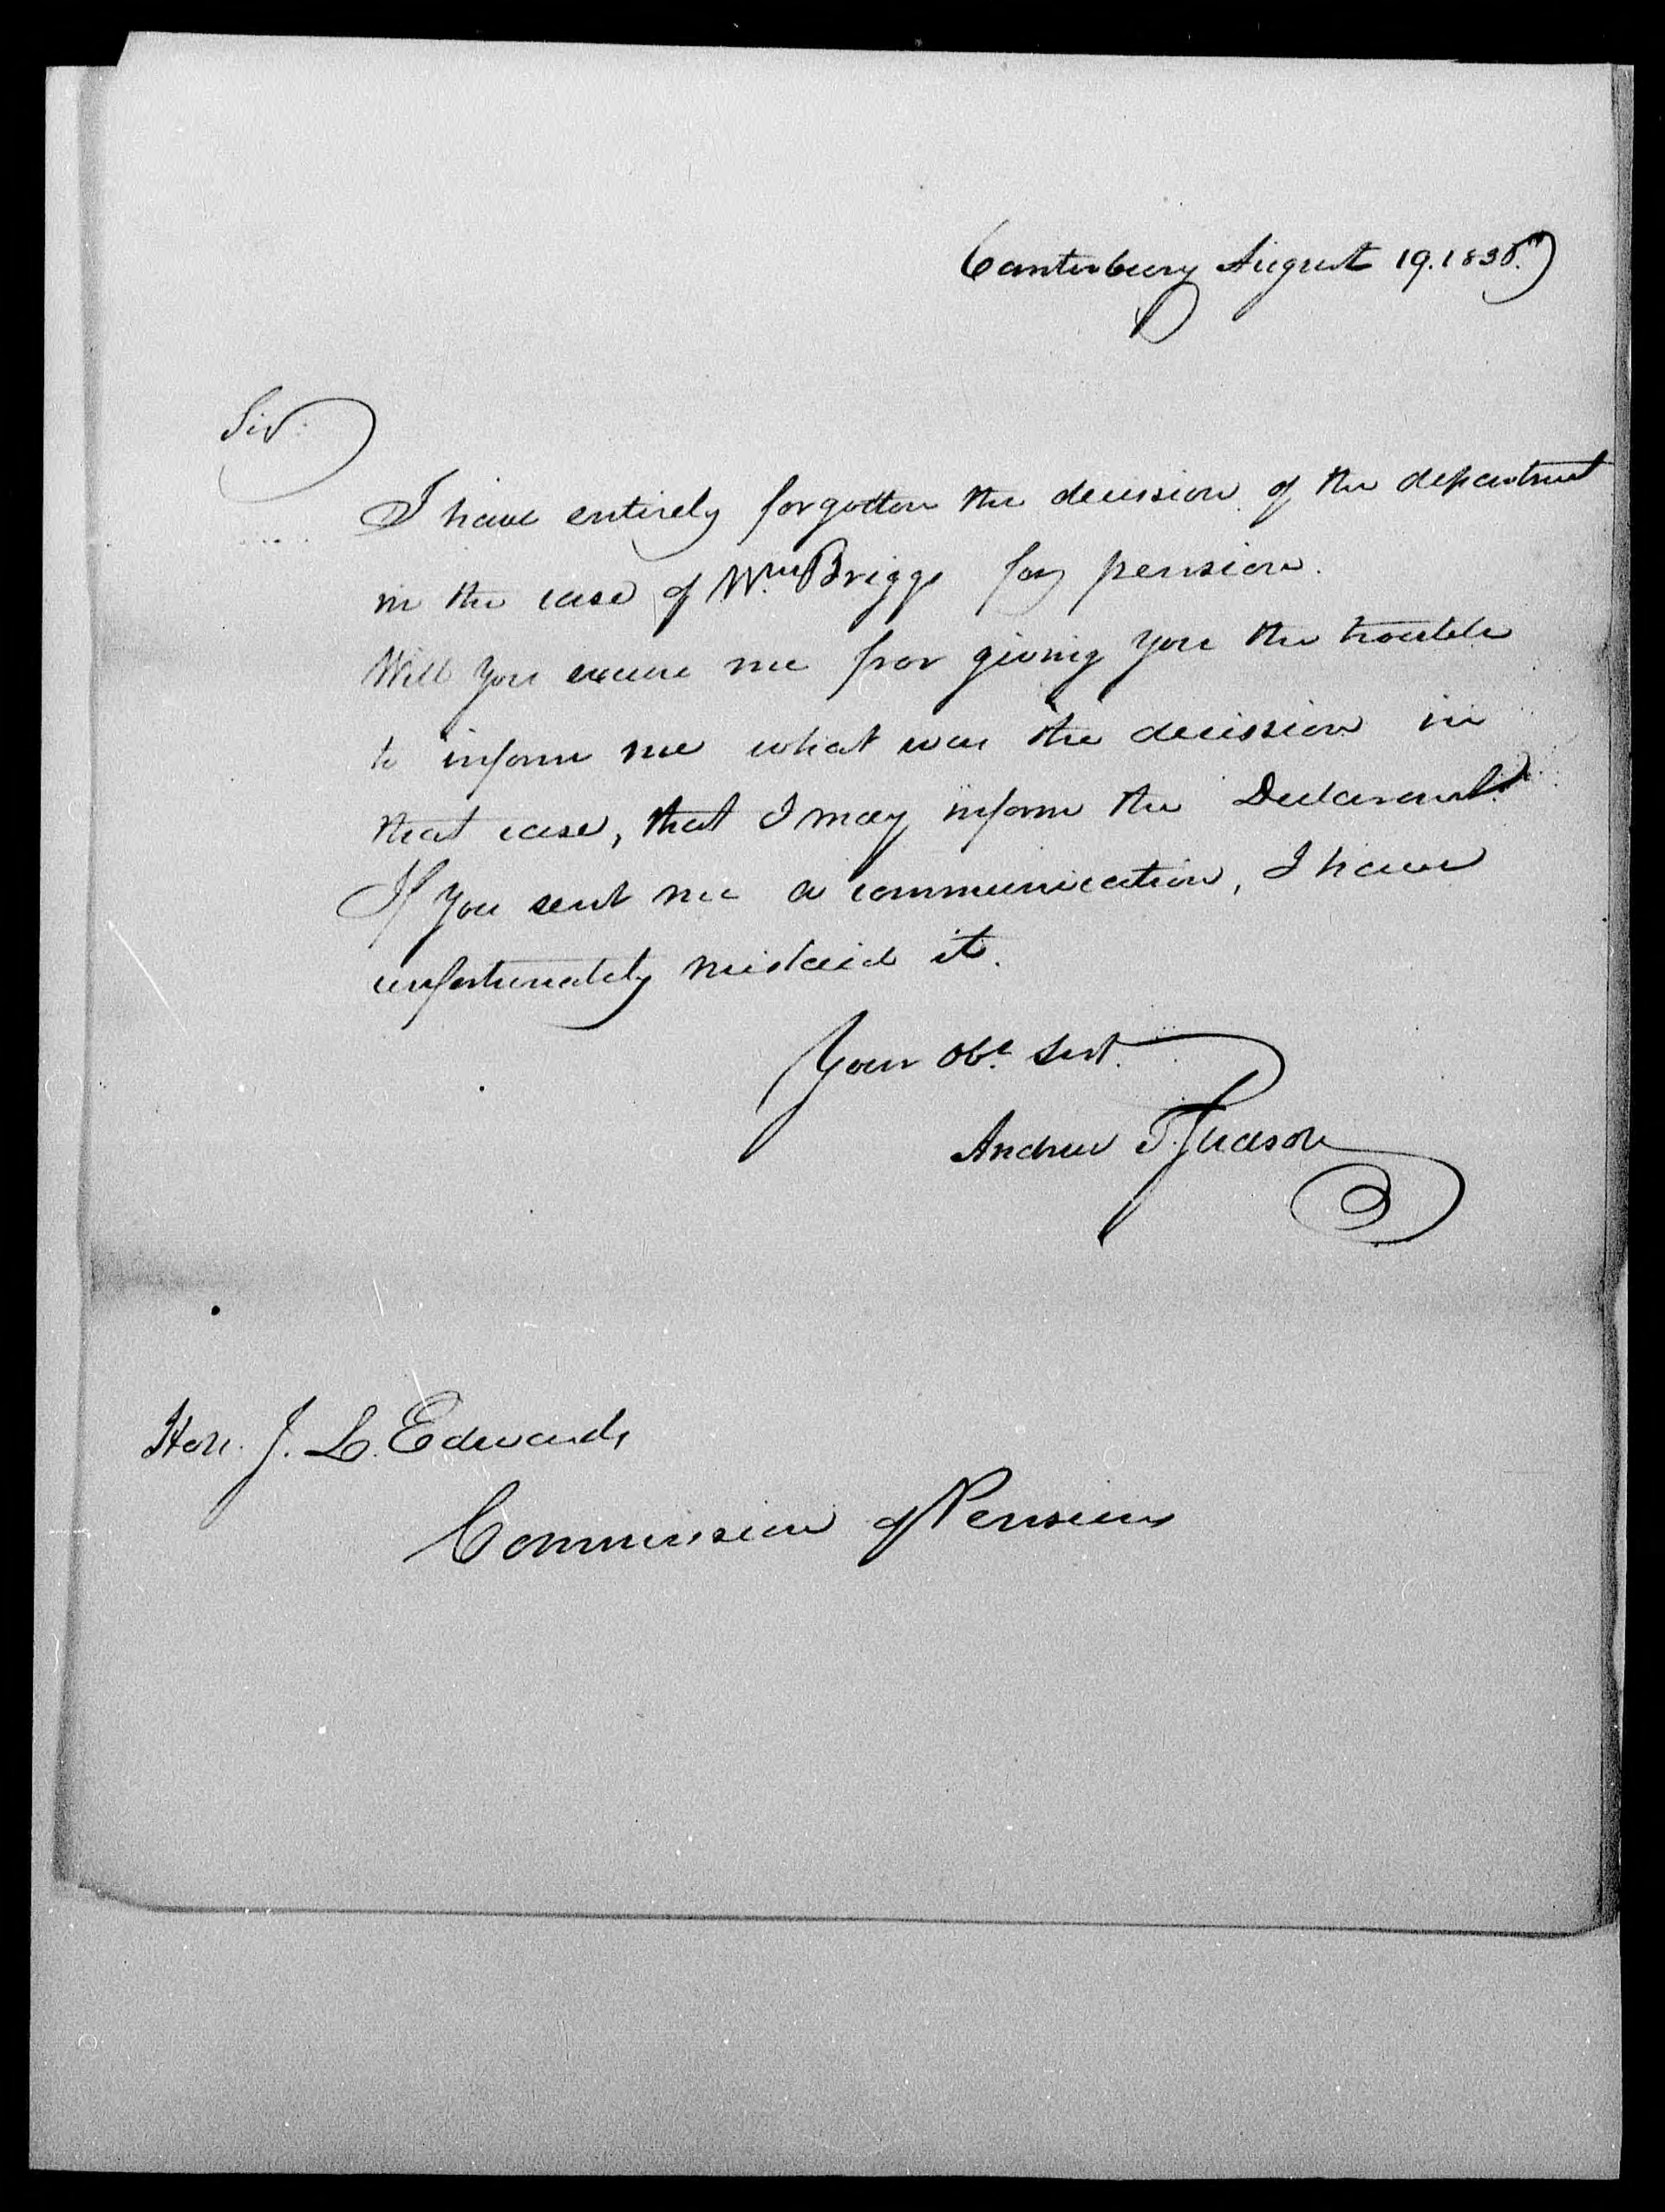Canterbury  August 19, 1838

Sir 
I have entirely forgotten the decision of the department in the case of Wm Briggs for pension. Will you excuse me from giving you the trouble to inform me what was the decision in that case, that I may inform the Declarant.  If you sent me a communication, I have unfortunately misplaced it
                                         Your obd. sevt
                                           Andrew T/ Judson

Hon J. L. Edwards
Commissioner of Pensions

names: Andrew T Judson, Wm Briggs, J L Edwards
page: 19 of 37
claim: survivor's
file: S. 12,281, William Briggs, Conn.